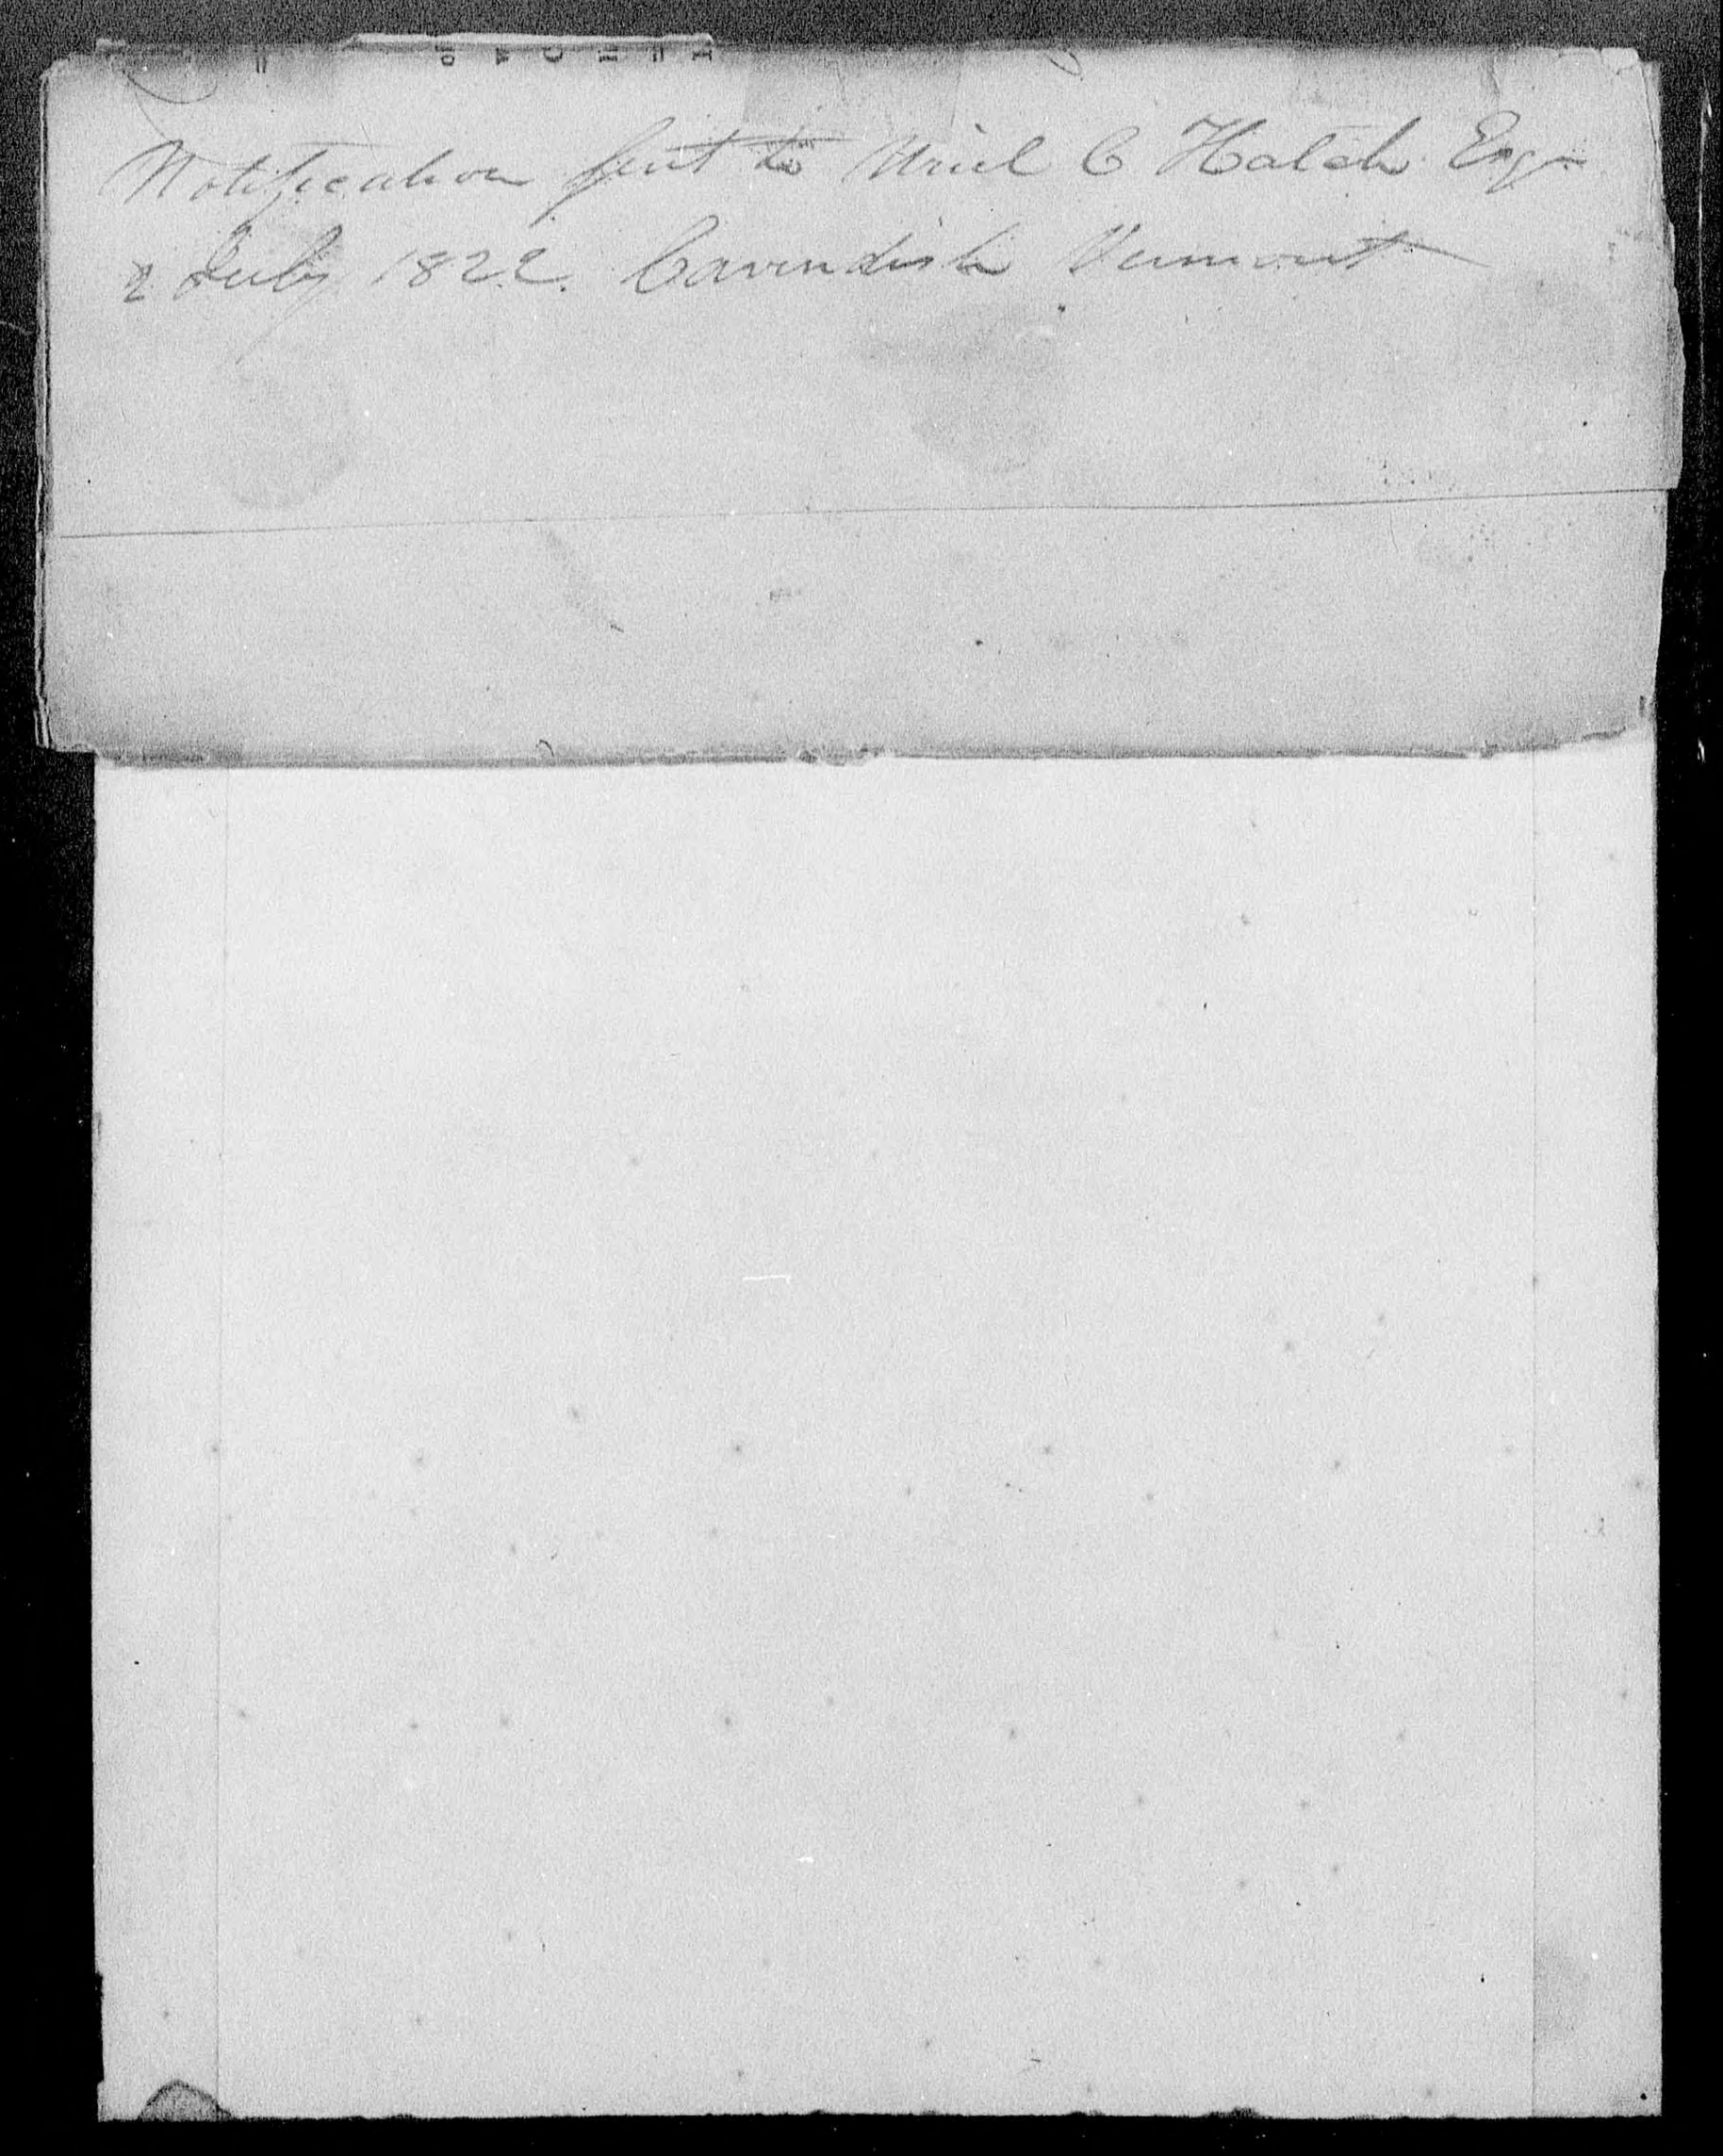Notification sent to Uriel C Hatch Esq
2 July 1822 Cavendish Vermont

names: Uriel C Hatch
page: 3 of 18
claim: survivor's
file: S. 40773, David Burton, N.H.